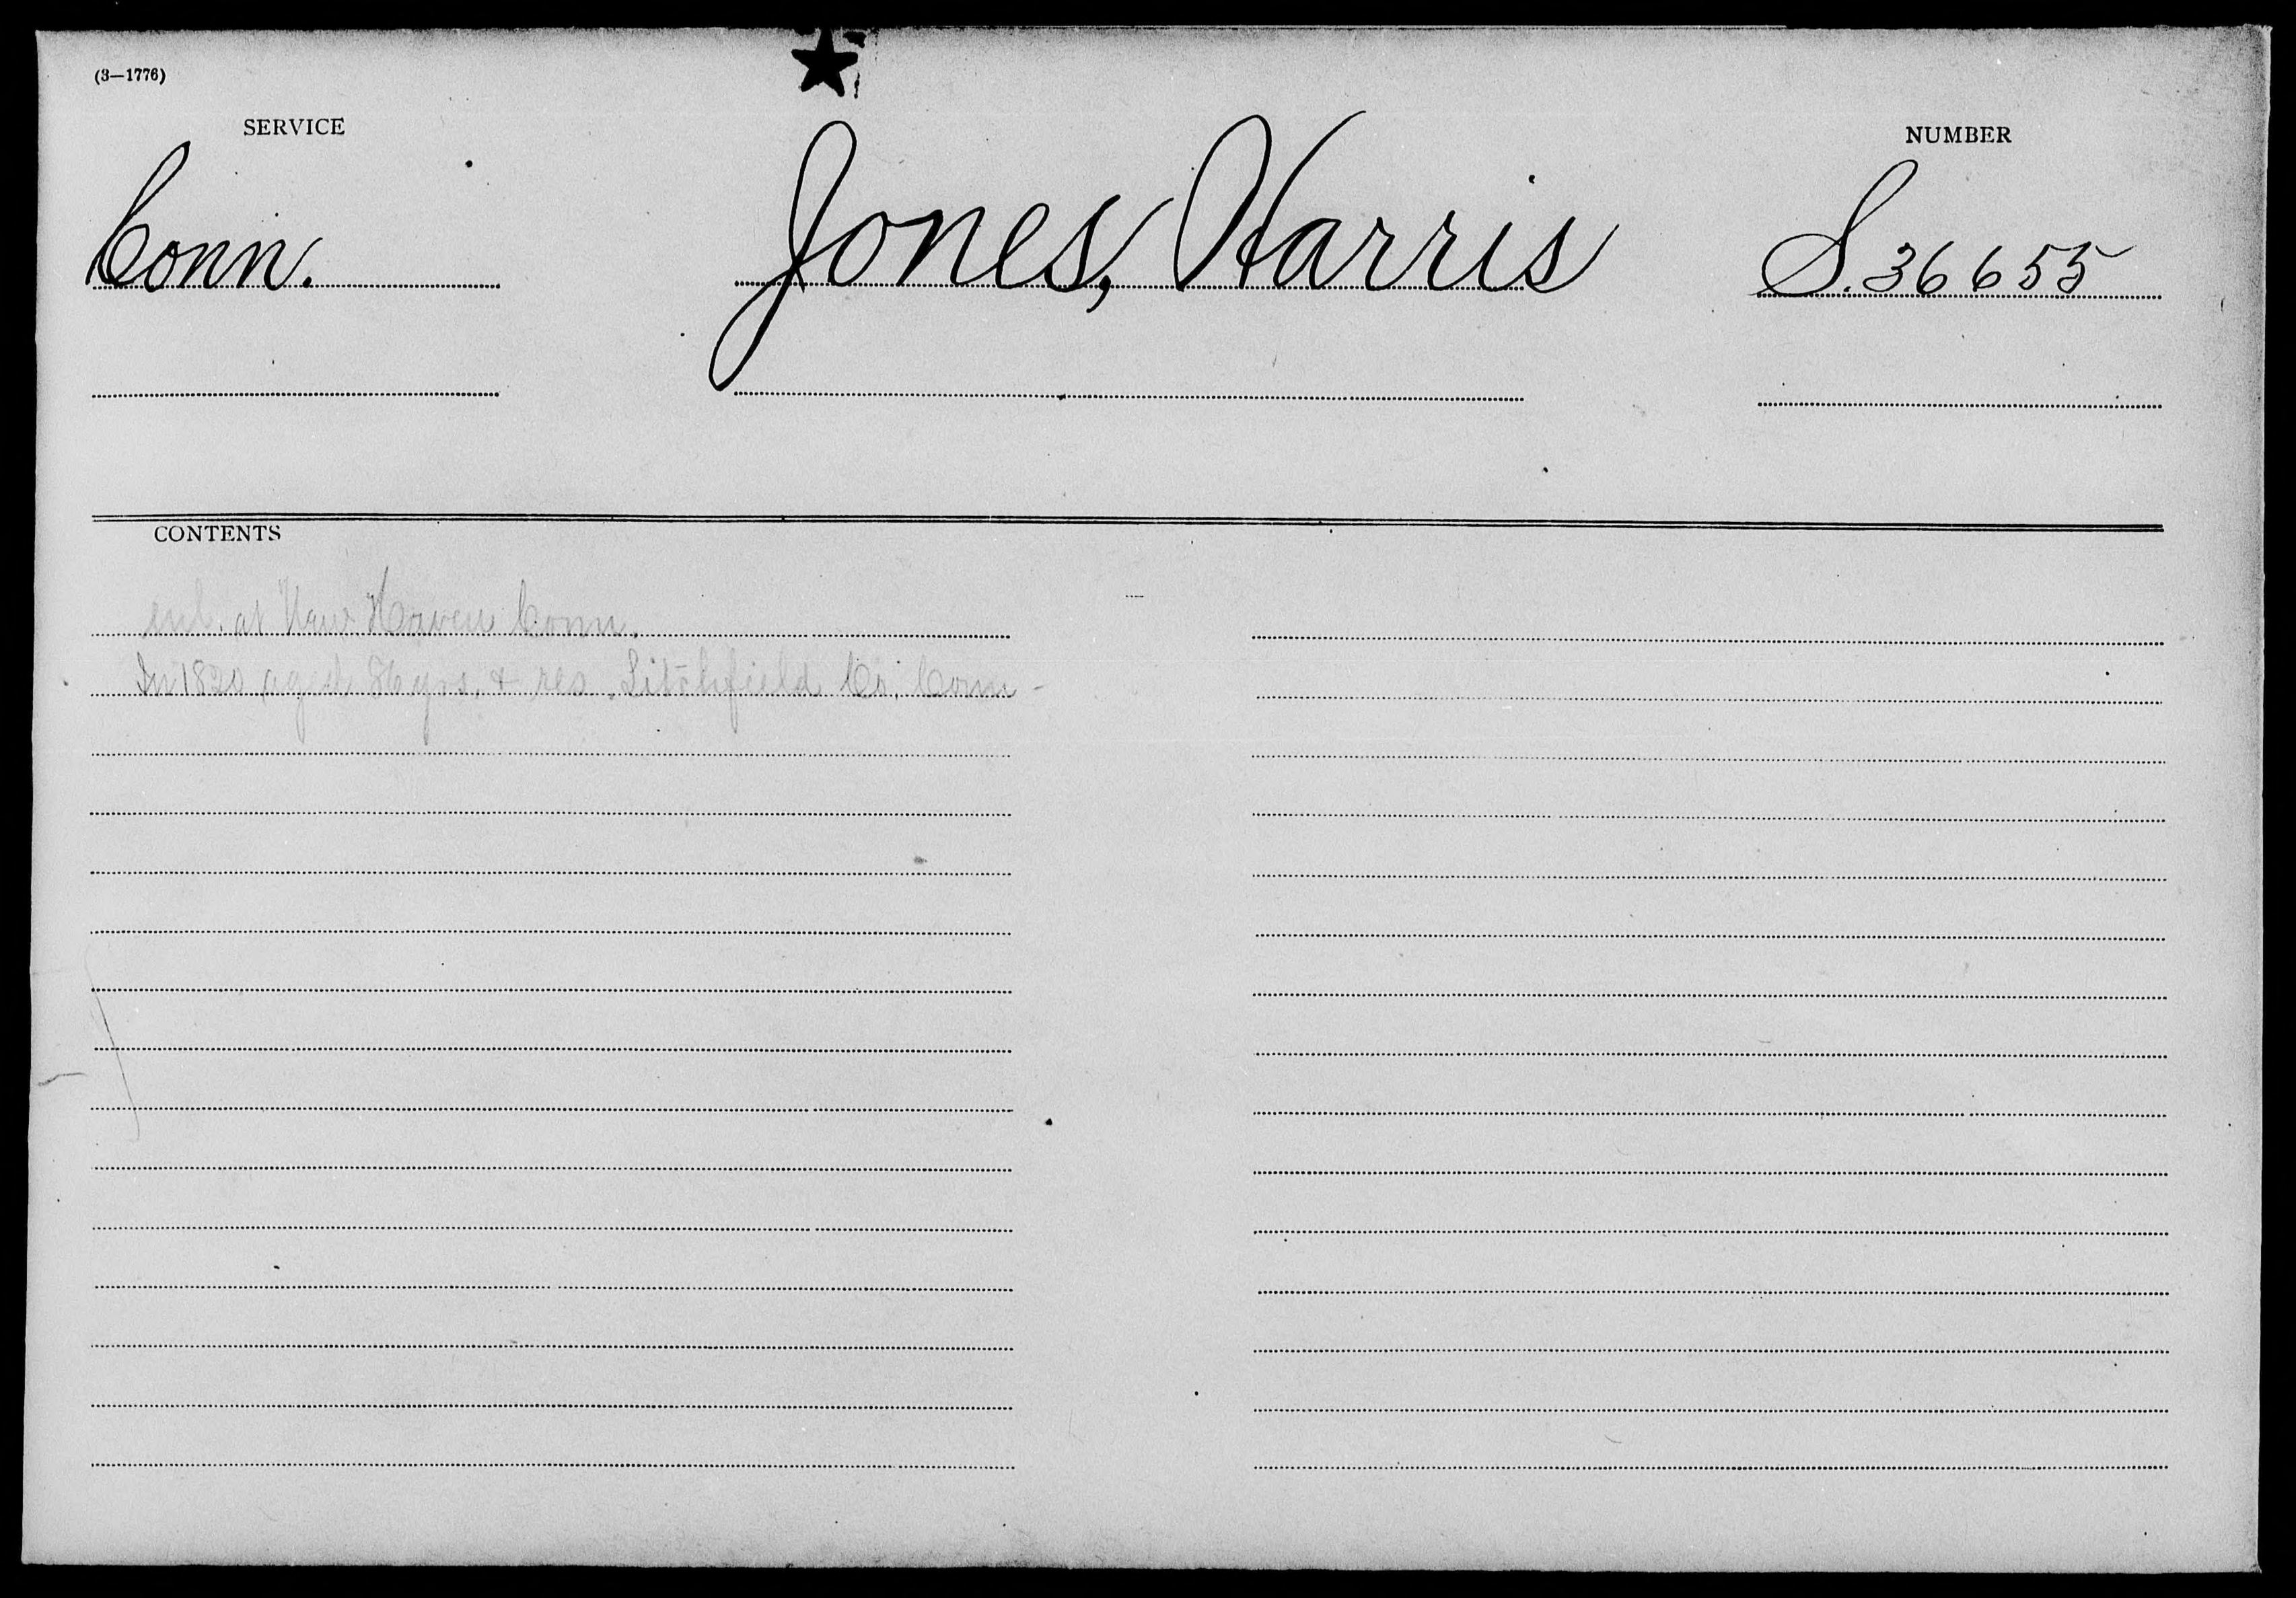(3 - 1776)

SERVICE
Conn.

NUMBER
S.36655

Jones, Harris

CONTENTS
enl.[enlisted] at New Haven Conn.
In 1820 aged 86 yrs. & res, Litchfield Co. Conn.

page: 1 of 11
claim: survivor's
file: S. 36655, for Harris Jones, Connecticut